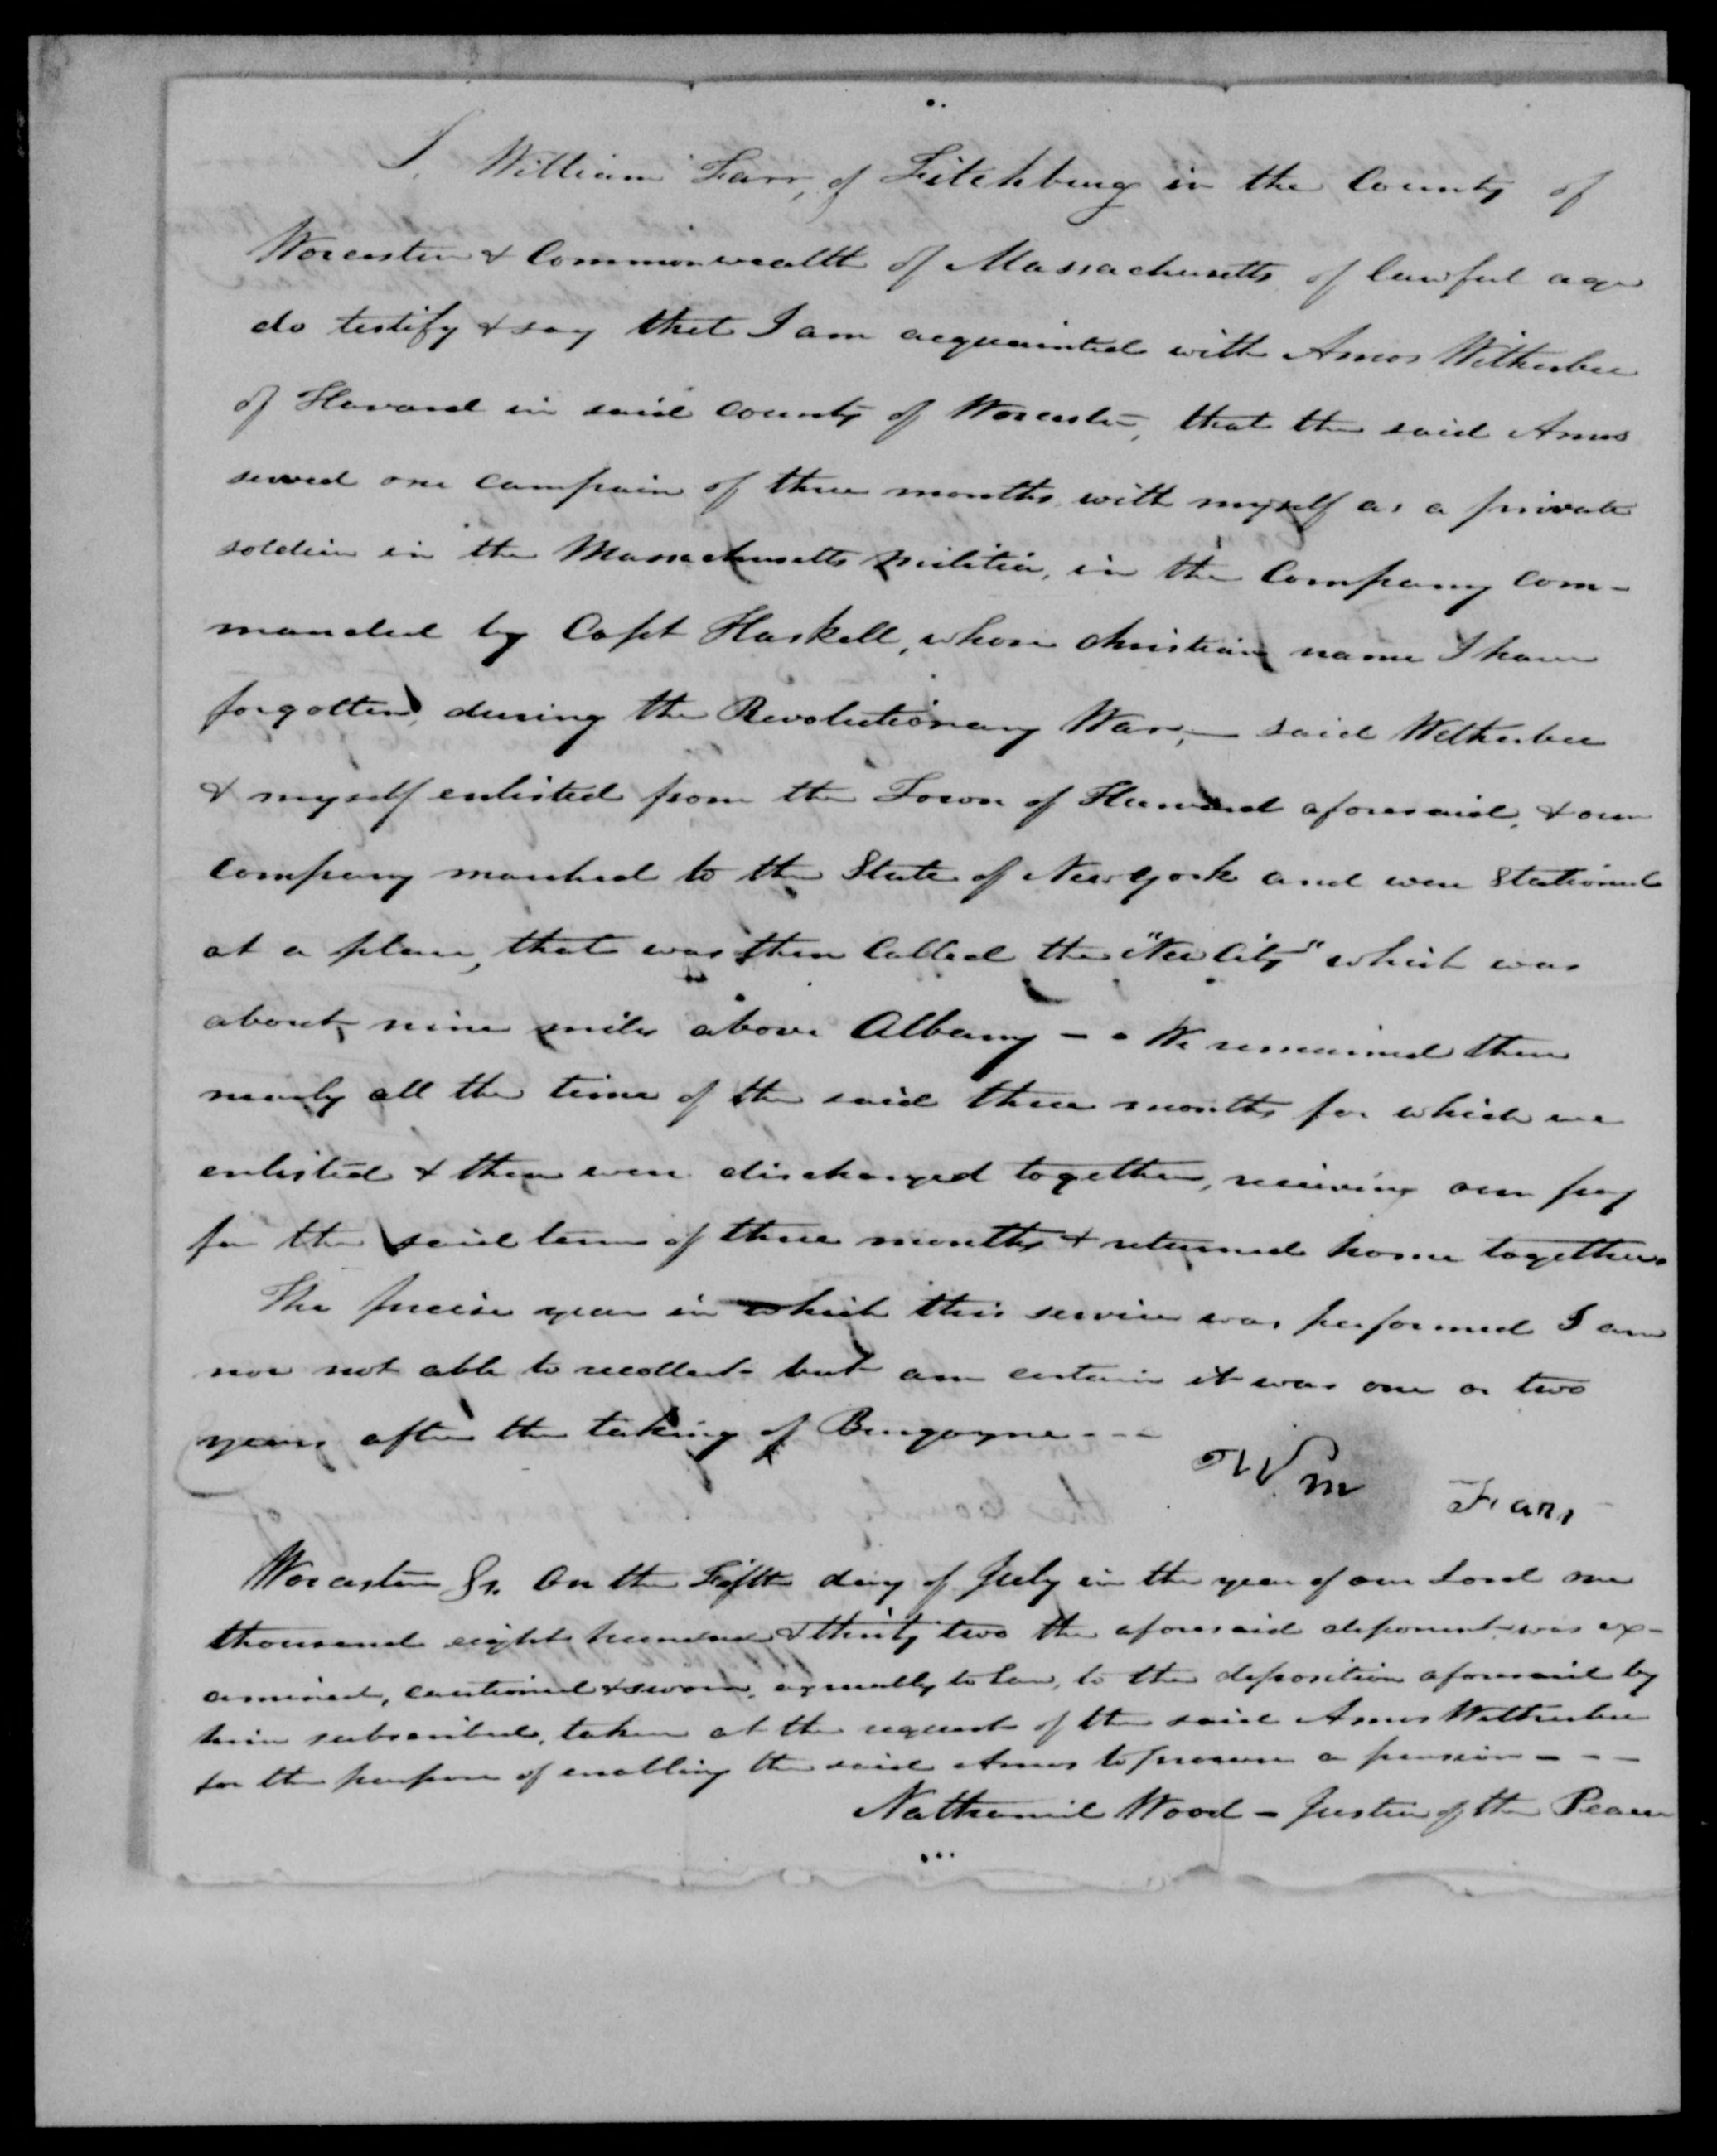I William Farr of Fitchburg in the County of Worcester & Commonwealth of Massachusetts of lawful age do testify & say that I am acquainted with Amos Wetherbee of Harvard in said county of Worcester, that the said Amos served one campain of three months with myself as a private soldier in the Massachusetts Militia in the company commanded by Captain Haskell, whose christian name I have forgotten during the Revolutionary War--said Wetherbee & myself enlisted from the Town of Harvard aforesaid and our company marched to the State of New York and were stationed at a place that was then called the "New City" which was about nine miles above Albany--We remained there nearly all the time of the said three months for which we enlisted & then were discharged together, receiving our pay for the said term of three months & returned home together. The precise year in which this service was performed I am now not able to recollect but am certain it was one or two years after the taking of Burgoyne.
Wm. Farr

Worcester Ss On this fifth day of July in the year of our Lord one thousand eight hundred & thirty two the aforesaid deponent was examined, cautioned & sworn agreeably to law to this deposition aforesaid by him subscribed, taken at the request of the said Amos Wetherbee for the purpose of enabling the said Amos to procure a pension.
Nathaniel Wood-Justice of the Peace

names: William Farr, Nathaniel Wood, Amos Witherbee, Haskell, Burgoyne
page: 47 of 66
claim: widow's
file: W. 2468, Amos Wetherbee, Mass.